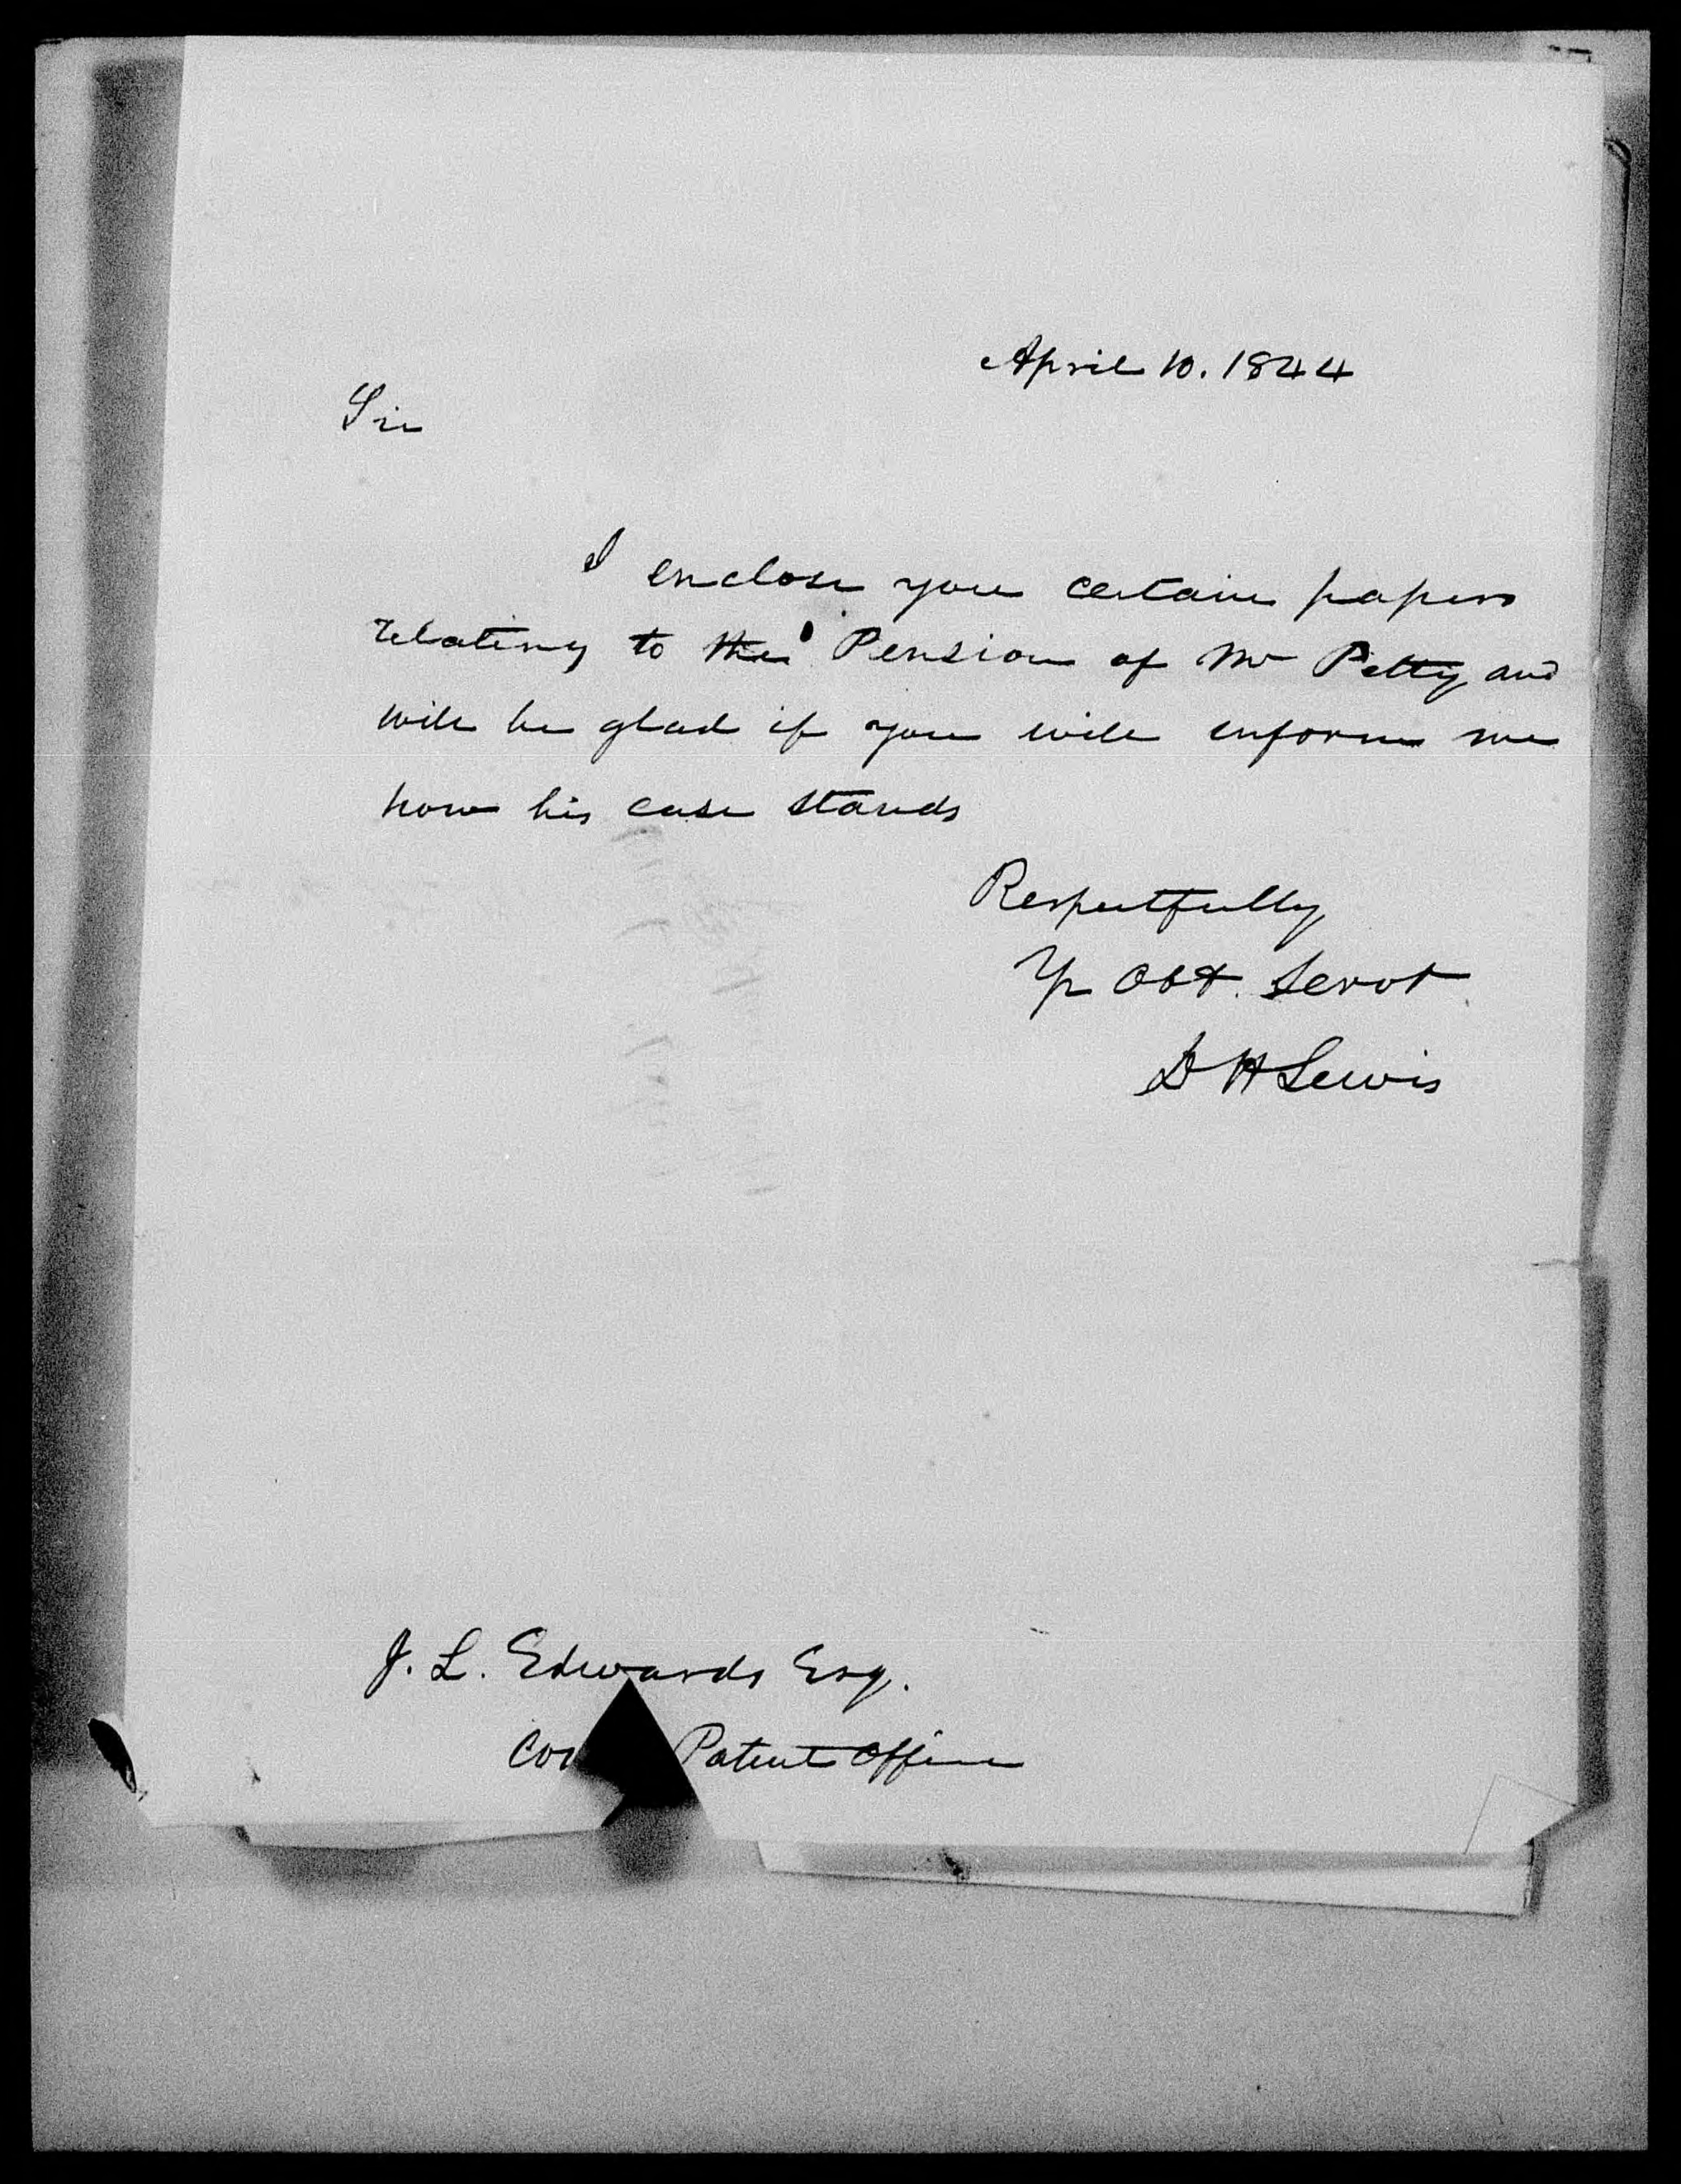April 10 1844
Sir
I enclose you certain papers relating to the pension of Mr Petty and will be glad if you will inform me how his case stands
Respectfully
Yr obt servt
DH Lewis

JL Edwards Esq
co patent office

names: D H Lewis; [BLANK] Petty; J L Edwards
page: 16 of 26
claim: rejected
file: R. 8,161, for Theophilus Petty, South Carolina